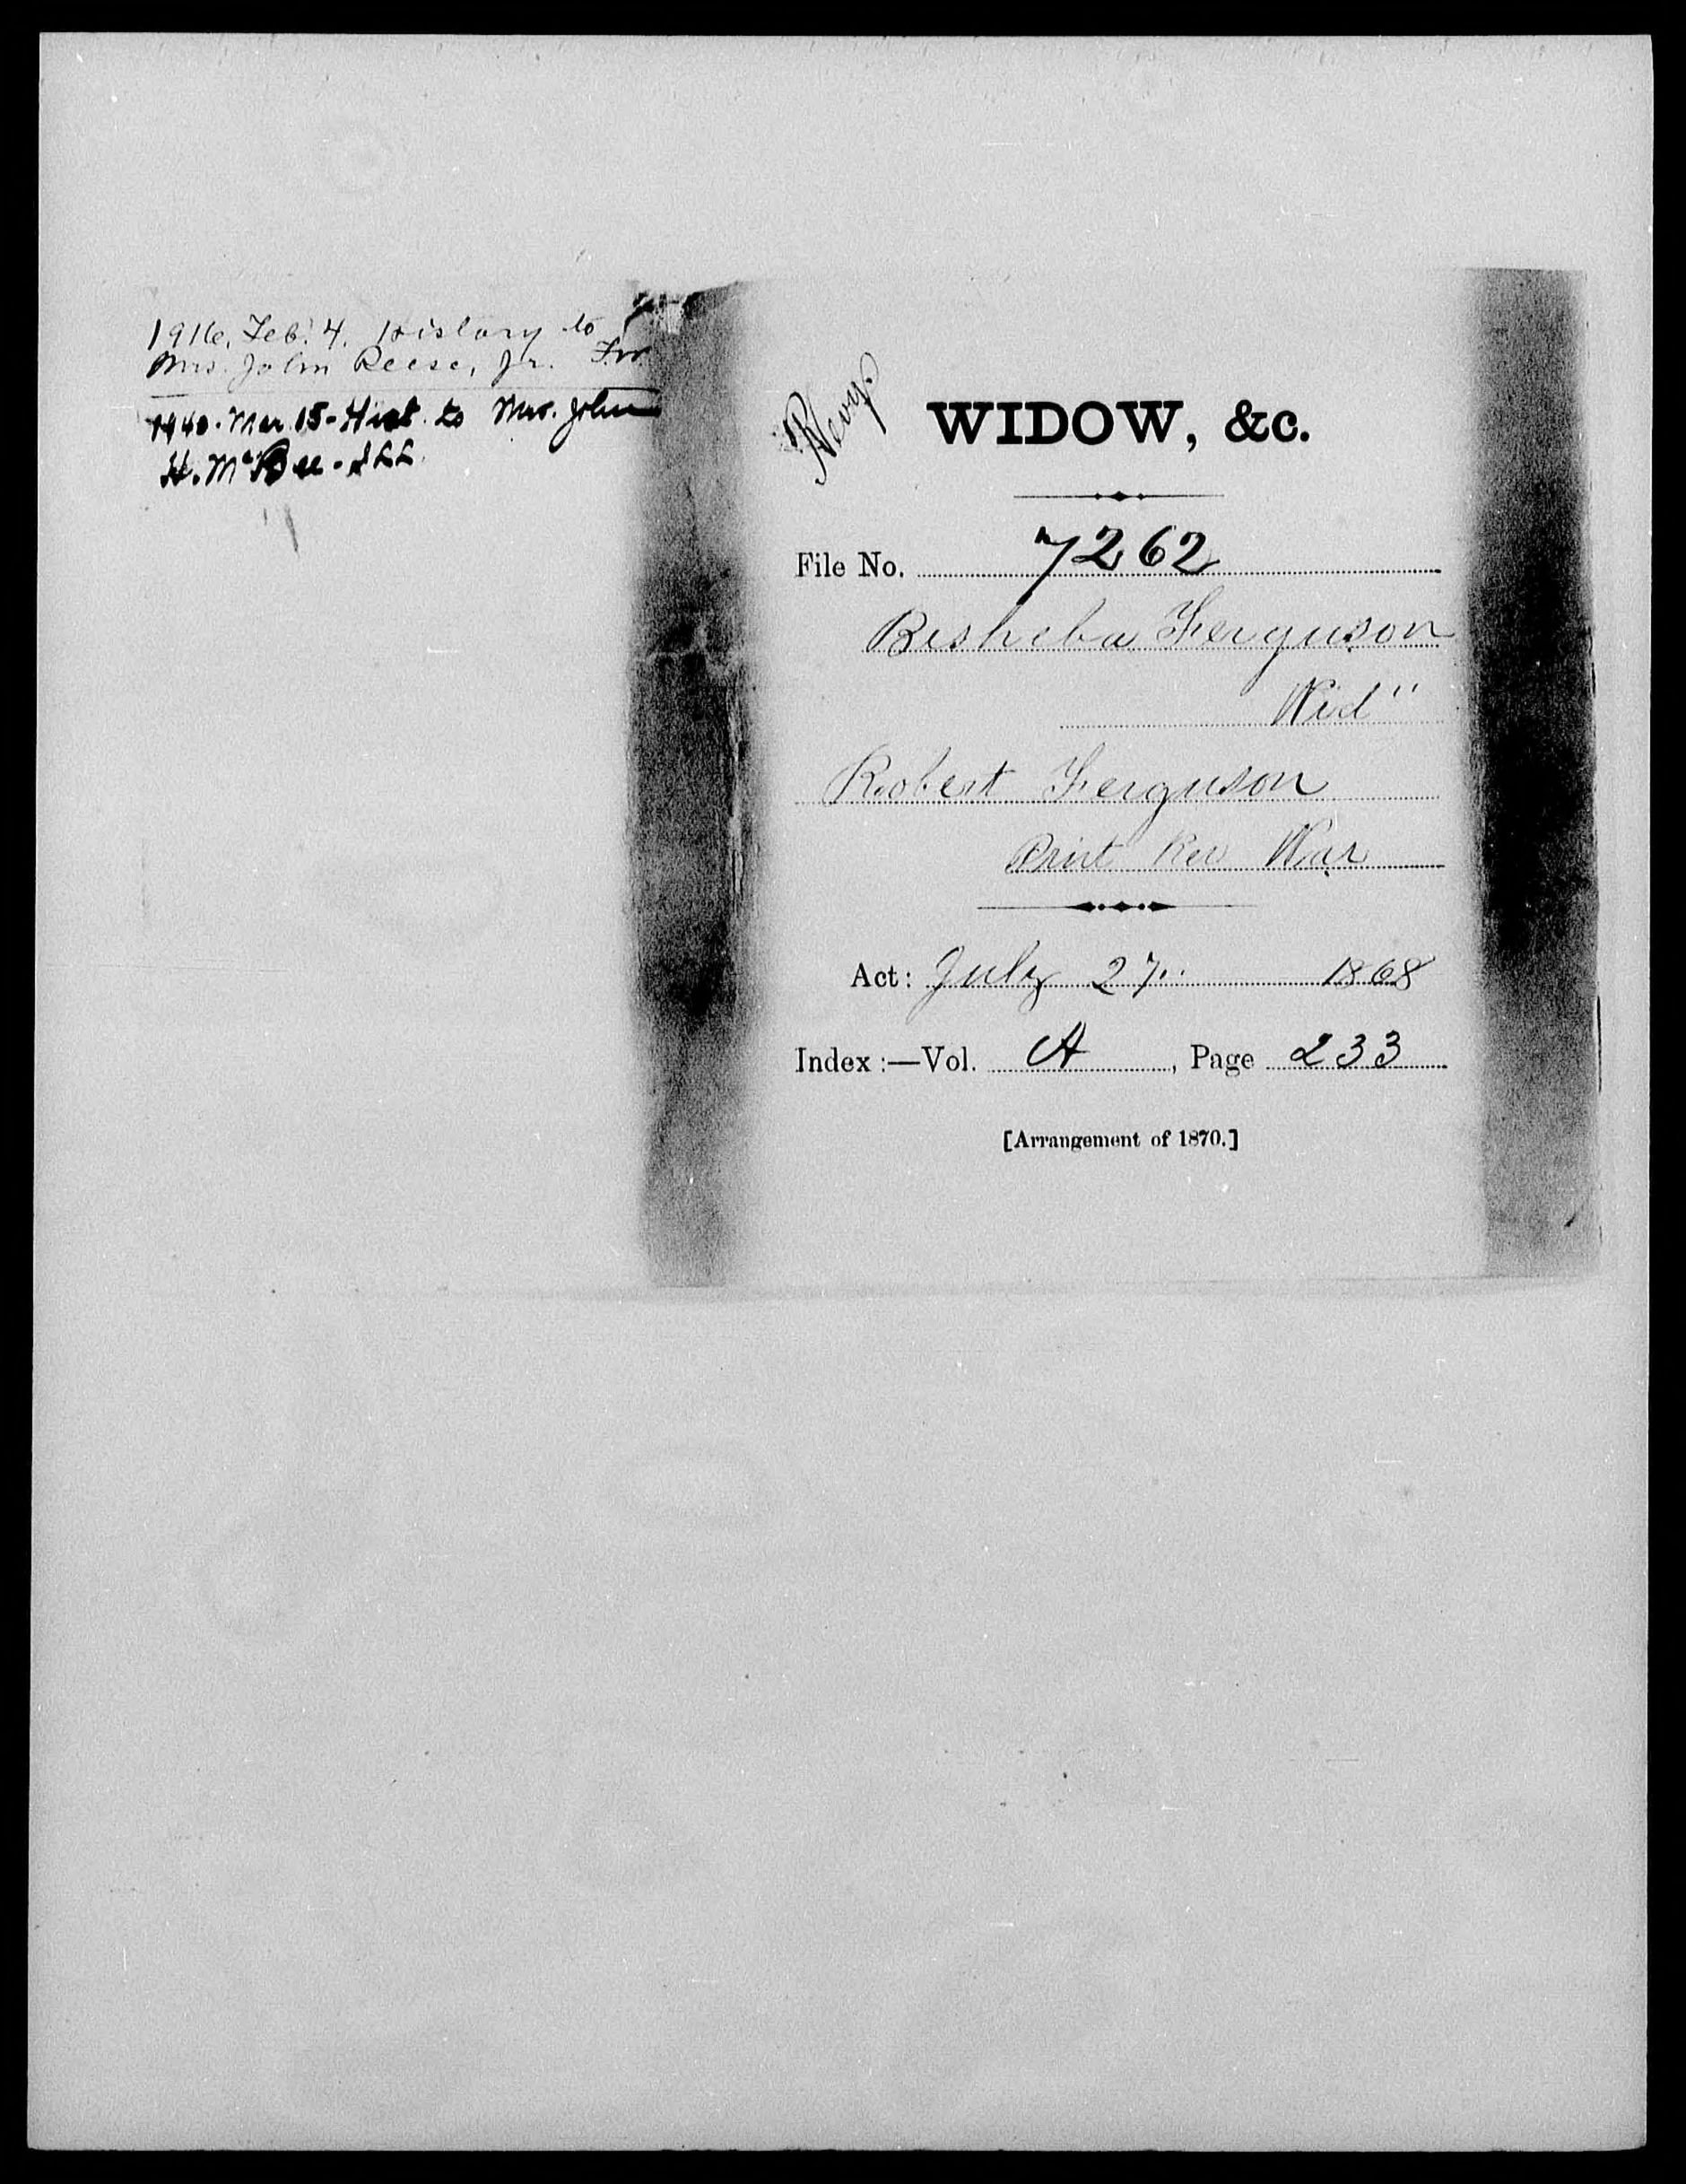1916, Feb. 4. History to
Mrs. John Reese, Jr.
For
1940. Mar 15 Hist to Mrs. John
H. McBu.lff


Revys [?]
WIDOW, &c.
File No. 7262

Besheba Ferguson
Wid"
Robert Ferguson
Privt Rev War
---
Act: July 27
1868
Index: -- Vol. A, Page 233
Arrangement of 1870.}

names: John H Mc Bee, John Reese, Besheba Ferguson, Robert Ferguson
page: 24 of 81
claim: widow's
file: W. 7262, Robert Ferguson, Va.